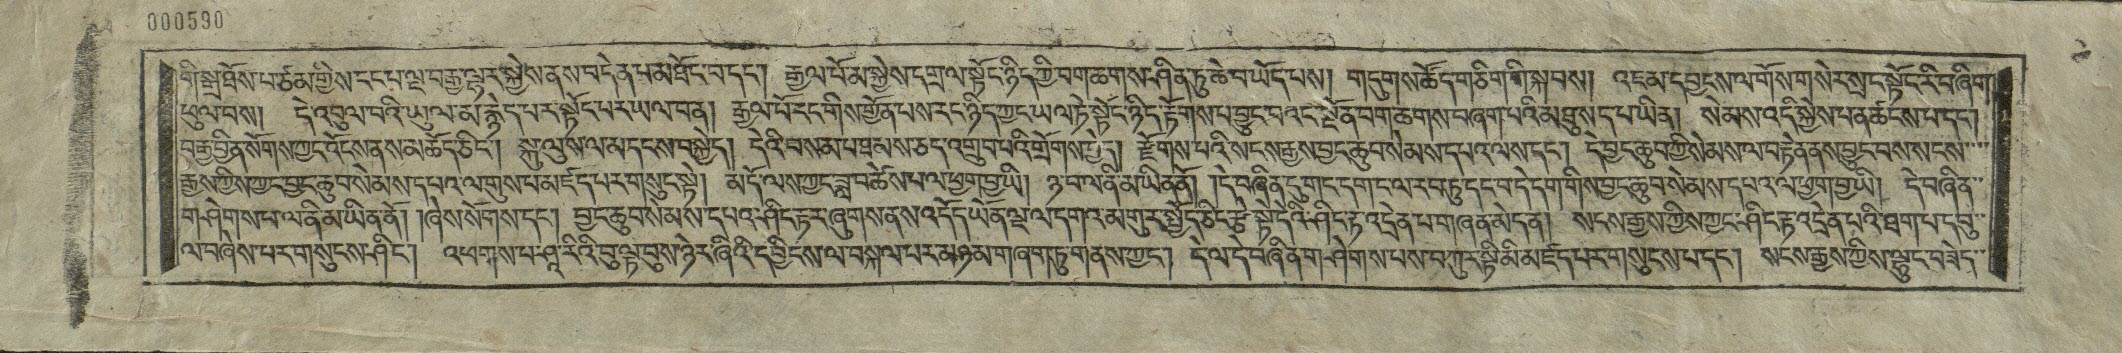གི་སྒྲ་ཐོས་པ་ཙམ་གྱིས་ངང་པ་ལྔ་བརྒྱ་ལྷར་སྐྱེས་ནས་བདེན་པ་མཐོང་བ་དང་། རྒྱལ་པོ་མ་སྐྱེས་དགྲ་ལ་སྟོང་ཉིད་ཀྱི་བག་ཆགས་ཤིན་ཏུ་ཆེ་བ་ཡོད་པས། གདུགས་ཚོད་གཅིག་གི་སྐབས། འཇམ་དབྱངས་ལ་གོས་གསེར་སྲང་སྟོང་རི་བ་ཞིག་
ཕུལ་བས། དེ་འབུལ་བའི་ཡུལ་མ་རྙེད་པར་སྟོང་པར་ཡལ་བ་ན། རྒྱལ་པོ་རང་གིས་གྱོན་པས་རང་ཉིད་ཀྱང་ཡལ་ཏེ་སྟོང་ཉིད་རྟོགས་པ་བྱུང་བའང་སྔོན་བག་ཆགས་བཞག་པའི་མཐུ་སད་པ་ཡིན། སེམས་འདི་སྐྱེས་པ་ན་ཚངས་པ་དང་།
བརྒྱ་བྱིན་སོགས་ཀྱང་འོངས་ནས་མཆོད་ཅིང་། སྐུ་ལུས་ལ་མདངས་བསྐྱེད། དེའི་བསམ་པ་ཐམས་ཅད་འགྲུབ་པའི་གྲོགས་བྱེད། རྫོགས་པའི་སངས་རྒྱས་བྱང་ཆུབ་སེམས་དཔའ་ལས་དང་། དེ་བྱང་ཆུབ་ཀྱི་སེམས་ལ་བརྟེན་ནས་བྱུང་བས་སངས་
རྒྱས་ཀྱིས་ཀྱང་བྱང་ཆུབ་སེམས་དཔའ་ལ་གུས་པ་མཛད་པར་གསུང་སྟེ། མདོ་ལས་ཀྱང་ཟླ་བ་ཚེས་པ་ལ་ཕྱག་བྱ་ཡི། ཉ་བ་ལ་ནི་མ་ཡིན་ནོ། །དེ་བཞིན་དུ་གང་དག་ང་ལ་རབ་ཏུ་དང་བ་དེ་དག་གིས་བྱང་ཆུབ་སེམས་དཔའ་ལ་ཕྱག་བྱ་ཡི། དེ་བཞིན་
གཤེགས་པ་ལ་ནི་མ་ཡིན་ནོ། །ཞེས་སོགས་དང་། བྱང་ཆུབ་སེམས་དཔའ་ཤིང་རྟར་ཞུགས་ནས་འདོད་ཡོན་ལྔ་ལ་དགའ་མགུར་སྤྱོད་ཅིང་རྩེ་སྟེ་དེའི་ཤིང་རྟ་འདྲེན་པ་གཞན་མེད་ན། སངས་རྒྱས་ཀྱིས་ཀྱང་ཤིང་རྟ་འདྲེན་པའི་ཐག་པ་དབུ་
ལ་བཞེས་པར་གསུངས་ཤིང་། འཕགས་པ་ཤཱ་རིའི་བུ་ལྟ་བུས་ཉེར་ཞིའི་དབྱིངས་ལ་བསྐལ་པར་མཉམ་གཞག་ཏུ་གནས་ཀྱང་། དེ་ལ་དེ་བཞིན་གཤེགས་པས་བཀུར་སྟི་མི་མཛད་པར་གསུངས་པ་དང་། སངས་རྒྱས་ཀྱིས་ལྷུང་བཟེད་